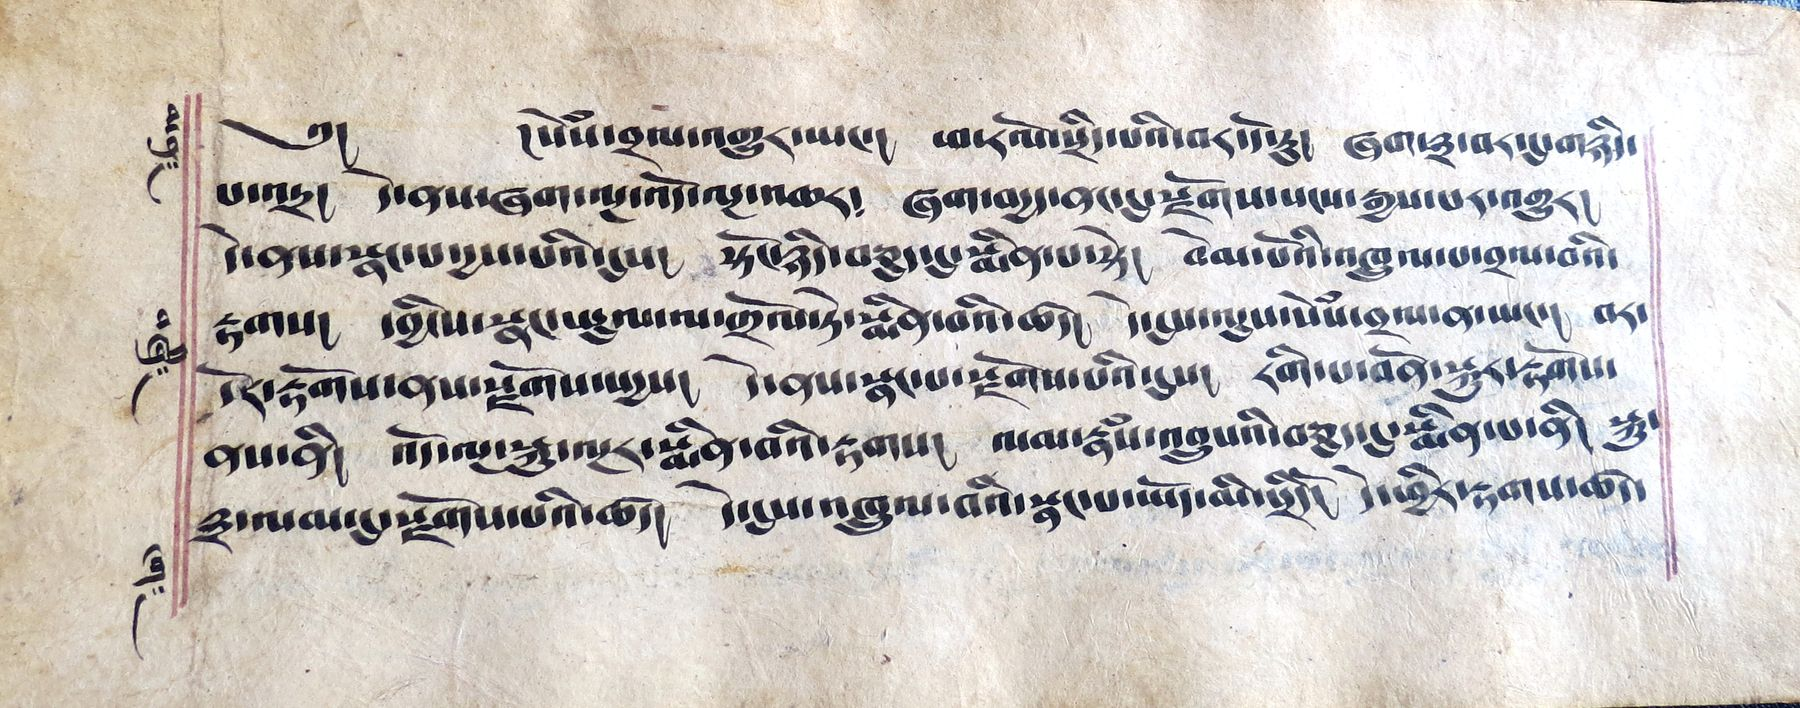སེམས་བྲལ་གྱུར་ཀྱང་། ། ཕ་རོལ་སྲིད་པའི་བར་དོ་རུ། ། ཞག་གསུམ་བར་དུ་གཉིད་
པ་འདྲ། ། དེ་ནས་ཞག་ལྔ་འོད་ལྔ་འཆར། ། ཞག་བརྒྱད་ནང་དུ་རྫོགས་སངས་རྒྱས་པར་འགྱུར། ། 
དེ་ནས་སྣང་བ་རྒྱས་པའི་དུས། ། སྟོང་ཉིད་བཅུད་དུ་སྨིན་པ་སྟེ། ། བེམ་པོའི་འཁྲུལ་པ་བྲལ་བའི་
རྟགས། ། དབྱིངས་སྣང་ཡུལ་ལ་གྲོལ་ཏེ་སྨིན་པའི་ཚད། ། དེ་དུས་ལུས་སེམས་བྲལ་ན་ཡང་། ། བར་
དོར་རྟོགས་ནས་རྫོགས་སངས་རྒྱས། ། དེ་ནས་སྣང་བ་རྫོགས་པའི་དུས། ། རིག་པ་བོན་སྐུར་རྟོགས་
ནས་ནི། ། འོད་ལྔ་སྐུ་ལྔར་སྨིན་པའི་རྟགས། ། ལམ་རྣམས་འབྲས་བུའི་བཅུད་དུ་སྨིན་པ་ནི། ། སྐུ་
གསུམ་ལམ་དུ་རྫོགས་པའི་ཚད། ། དེ་དུས་འཁྲུལ་པའི་སྣང་བ་ཡོད་མི་སྲིད་དོ། ། དེ་ཕྱིར་རྟགས་ཚད་